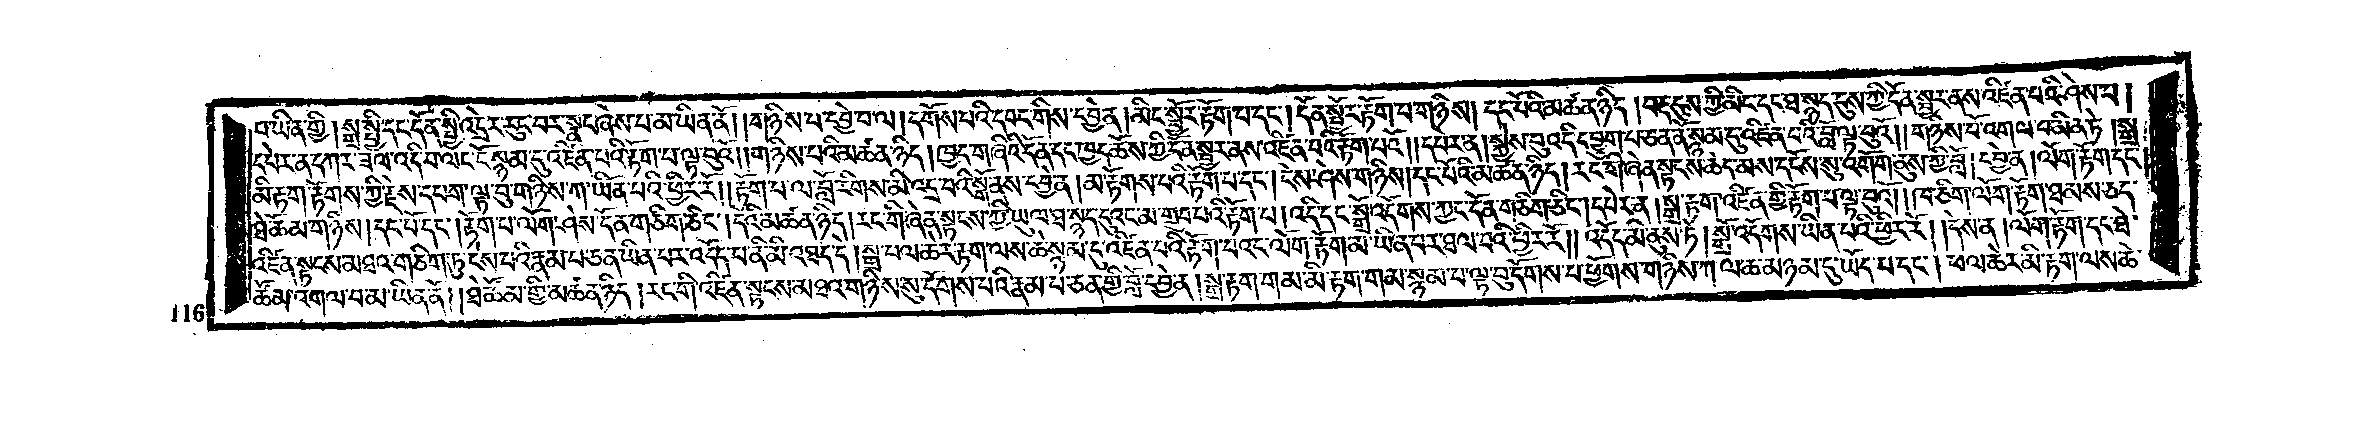བ་ཡིན་གྱི། སྒྲ་སྤྱི་དང་དོན་སྤྱི་འདྲེར་རུང་བར་སྣང་ཞེས་པ་མ་ཡིན་ནོ། །གཉིས་པ་དབྱེ་བ་ལ། དགོས་པའི་དབང་གིས་དབྱེ་ན། མིང་སྦྱོར་རྟོག་པ་དང་། དོན་སྦྱོར་རྟོག་པ་གཉིས། དང་པོའི་མཚན་ཉིད། བརྡ་དུས་ཀྱི་མིང་དང་ཐ་སྙད་དུས་ཀྱི་དོན་སྦྱར་ནས་འཛིན་པའི་ཤེས་པ།
དཔེར་ན་དཀར་ཟལ་འདི་བ་ལང་ངོ་སྙམ་དུ་འཛིན་པའི་རྟོག་པ་ལྟ་བུའོ། །གཉིས་པའི་མཚན་ཉིད། ཁྱད་གཞིའི་དོན་དང་ཁྱད་ཆོས་ཀྱི་དོན་སྦྱར་ནས་འཛིན་པའི་རྟོག་པའོ། །དཔེར་ན། སྐྱེས་བུ་འདི་དབྱུག་པ་ཅན་ནོ་སྙམ་དུ་འཛིན་
མི་རྟག་རྟོགས་ཀྱི་རྗེས་དཔག་ལྟ་བུ་གཉིས་ཀ་ཡིན་པའི་ཕྱིར་རོ། །རྟོག་པ་ལ་བློ་རིགས་མི་འདྲ་བའི་སྒོ་ནས་དབྱེ་ན། མ་རྟོགས་པའི་རྟོག་པ་དང་། ངེས་ཤེས་གཉིས། དག་པོའི་མཚན་ཉིད། རང་གི་ཞེ་ན་སྟངས་ཆེད་མས་དངོས་སུ་འགོག་ནུས་ཀྱི་བློ། །དབྱེ་ན། ལོག་རྟོག་དང་།
ཐེ་ཚོམ་གཉིས། དང་པོ་དང་། རྟོག་པ་ལེག་ཤེས་དོན་གཅིག་ཅིང་། དེའི་མཚན་ཉིད། རང་གི་ཞེ་ན་སྟངས་ཀྱི་ཡུལ་ཐ་སྤྱད་དུའང་མ་གྲུབ་པའི་རྟོག་པ། འདི་དང་སྒྲོ་འདོགས་ཀྱང་དོན་གཅིག་ཅིང་། དཔེར་ན། སྒྲ་རྟག་འཛིན་གྱི་རྟོག་པ་ལྟ་བུའོ། །ཁ་ཅིག་ལོག་རྟོག་ཐམས་ཅད་
འཛིན་སྟངས་མཐའ་གཅིག་ཏུ་ངེས་པའི་རྣམ་པ་ཅན་ཡིན་པར་འདོད་པ་ནི་མི་འཐད་དེ། སྒྲ་ཕལ་ཆེར་རྟག་ལས་ཆེ་སྙམ་དུ་འཛིན་པའི་རྟོག་པའང་ལོག་རྟོག་མ་ཡིན་པར་ཐལ་བའི་ཕྱིར་རོ། །འདོད་མི་ནུས་ཏེ། སྒྲོ་འདོགས་ཡིན་པའི་ཕྱིར་རོ། །དེས་ན། ལོག་རྟོག་དང་ཐེ་
ཚོམ་འགལ་བ་མ་ཡིན་ནོ། །ཐེ་ཚོམ་གྱི་མཚན་ཉིད། རང་གི་འཛིན་སྟངས་མཐའ་གཉིས་སུ་དོགས་པའི་རྣམ་པ་ཅན་གྱི་བློ་དབྱེ་ན། སྒྲ་རྟག་གམ་མི་རྟག་གམ་སྙམ་པ་ལྟ་བུ་དོགས་པ་ཕྱོགས་གཉིས་ཀ་ལ་ཆ་མཉམན་དུ་ཡོད་པ་དང་། ཕལ་ཆེར་མི་རྟག་ལས་ཆེ་